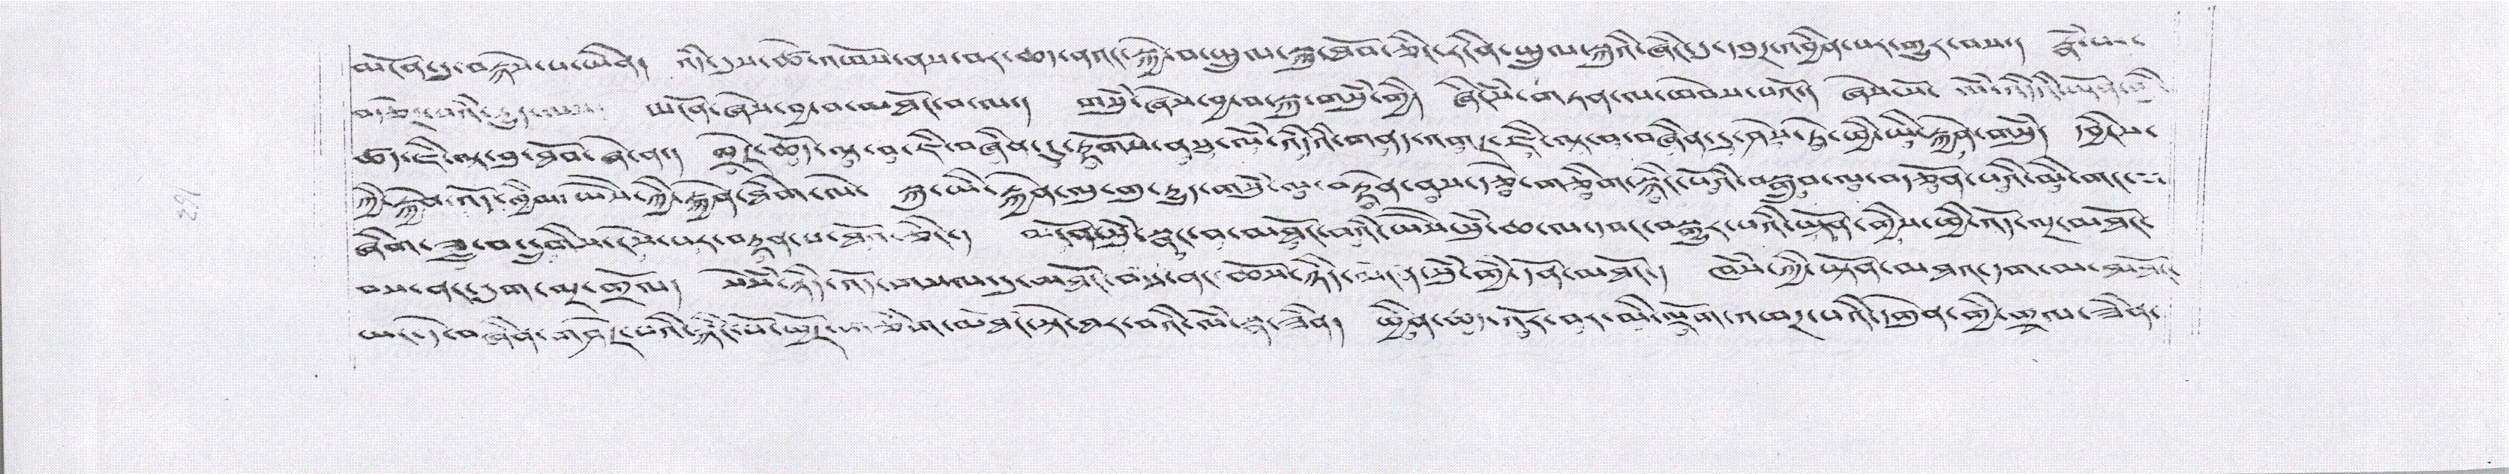མངོན་དུ་བརྙེས་པ་ཡིན། འདི་དུས་ཚེ་འཕོས་ནས་བར་ཆད་ནའང་སྐྱེ་བ་སྤྲུལ་སྐུ་ཐོབ་ཅིང་རང་བཞིན་སྤྲུལ་སྐུའི་ཞིང་དུ་དབུགས་འབྱིན་པར་གྱུར་པས། རྣམ་པ་
བརྩེགས་པའི་རྒྱུད་ལས། མངོན་ཞེས་བྱ་བ་མཐོང་བ་ལ། གསུམ་ཞེས་བྱ་བ་སྐུ་གསུམ་གྱི། ཞིང་ཁམས་གཏན་ལ་ཕེབས་པའོ། ཞེས་སོ། ལམ་འདིའི་ཡོན་ཏན་གྱི་
ཚད་ཇི་ལྟ་བུ་ཐོབ་ཞེ་ན། ཁྲེགས་ཆོད་ཀྱི་ལྟ་བ་ཇི་བཞིན་དུ་རྟོགས་ནས་ལམ་འདིའི་གནད་འགག་ཇི་ལྟ་བ་བཞིན་དུ་ཤེས་ཏེ་ཕྱི་ཡི་རྐྱེན་གསུམ། དབྱིངས་
ཀྱི་རྐྱེན་འོད་ཁྱིམ་ཡེ་ཤེས་ཀྱི་ཐིག་ལེ། སྐུ་ཡི་རྐྱེན་ལུ་གུ་རྒྱུད་གསུམ་ལ་བརྟེན་ནས་རྩེ་གཅིག་སྙིང་པོའི་སྒྲུབ་ལ་བརྩོན་པའི་མི་གང་
ཞིག ཟླ་བ་དྲུག་གིས་ངེས་པར་བརྟན་པ་ཐོབ་ཅིང་། མངོན་སུམ་སྣང་བ་མཐོང་བའི་ཡེ་ཤེས་སུམ་ཆ་ལ་དབང་སྒྱུར་བའི་ཡོན་ཏན་གྱིས་ཕྱི་འོད་ལྔ་མཐོང་
བས་ན་དུག་ལྔ་རང་གྲོལ། སེམས་ཉིད་འོད་གསལ་དུ་མཐོང་བས་ན་ཆོས་ཉིད་མངོན་སུམ་གྱི་དོན་མཐོང་། ཁམས་ཀྱི་ཡོན་ཏན་མཐའ་དག་མ་མཐོང་
ཡང་དེ་བཞིན་གཤེགས་པའི་སྙིང་པོ་ཕྱོགས་གཅིག་མཐོང་སྟེ་ཐར་པའི་ལམ་སྣ་ཟིན། ཕྱིན་ཆད་འཁོར་བར་མི་ལྡོག་འཕགས་པའི་དགེ་འདུན་གྱི་གྲལ་ཟིན་